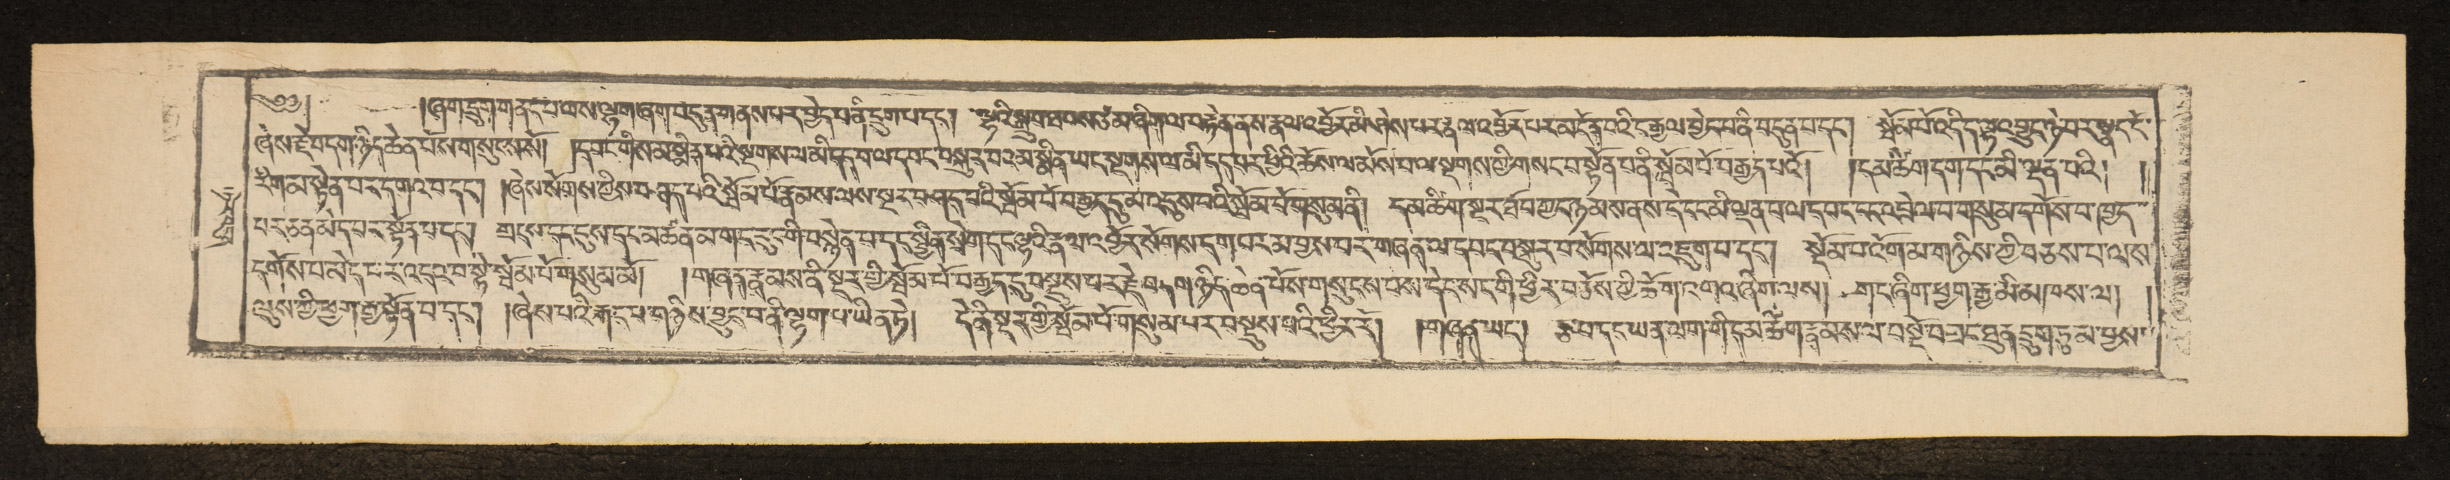༄༅། །ཞག་དྲུག་གནང་པ་ལས་ལྷག་ཞག་བདུན་གནས་པར་བྱེད་པ་ནི་དྲུག་པ་དང་། ལྷའི་སྒྲུབ་ཐབས་ཙམ་ཞིག་ལ་བརྟེན་ནས་རྣལ་འབྱོར་མི་ཤེས་པར་རྣལ་འབྱོར་བར་མངོན་པའི་ང་རྒྱལ་བྱེད་པ་ནི་བདུན་པ་དང་། སྦོམ་པོ་འདི་ད་ལྟ་འབྱུང་ཉེ་བར་སྣང་ངོ་
ཞེས་རྗེ་བདག་ཉིད་ཆེན་པོས་གསུངས་སོ། །དབང་གིས་མ་སྨིན་པའི་སྔགས་ལ་མི་དད་པ་ལ་དབང་བསྐུར་བའམ་སྨིན་ཡང་སྔགས་ལ་མི་དད་པར་ཕྱིའི་ཆོས་ལ་མོས་པ་ལ་སྔགས་ཀྱི་གསང་བ་སྟོན་པ་ནི་སྦོམ་པོ་བརྒྱད་པའོ། །དམ་ཚིག་དག་དང་མི་ལྡན་པའི།།
རིག་མ་སྟེན་པར་དགའ་བ་དང་། །ཞེས་སོགས་ཀྱིས་བཤད་པའི་སྦོམ་པོ་རྣམས་ལས་སྔར་བཤད་པའི་སྦོམ་པོ་བརྒྱད་དུ་མ་འདུས་པའི་སྦོམ་པོ་གསུམ་ནི། དམ་ཚིག་སྔར་ཐོབ་ཀྱང་ཉམས་ནས་དེ་དང་མི་ལྡན་པ་ལ་དབང་དང་འབྲེལ་བ་གསུམ་དགོས་པ་ཁྱད་
པར་ཅན་མེད་པར་སྟོན་པ་དང་། གྲངས་དང་དུས་དང་མཚན་མ་གང་རུང་གི་བསྙེན་པ་དང་སྦྱིན་སྲེག་དང་ལྷའི་རྣལ་འབྱོར་སོགས་དག་པར་མ་བྱས་པར་གཞན་ལ་དབང་བསྐུར་བ་སོགས་ལ་འཇུག་པ་དང་། སྡོམ་པ་འོག་མ་གཉིས་ཀྱི་བཅས་པ་ལས་
དགོས་པ་མེད་པར་འདའ་བ་སྟེ་སྦོམ་པོ་གསུམ་མོ། །གཞན་རྣམས་ནི་སྔར་གྱི་སྦོམ་པོ་བརྒྱད་དུ་བསྡུས་པར་རྗེ་བདག་ཉིད་ཆེན་པོས་གསུངས་པས་དེང་སང་གི་ཕྱིར་བཅོས་ཀྱི་ཆོ་ག་འགའ་ཞིག་ལས། གང་ཞིག་ཕྱག་རྒྱ་མི་མཁས་ལ། །
ལུས་ཀྱི་ཕྱག་རྒྱ་སྟོན་པ་དང་། །ཞེས་པའི་རྐང་པ་གཉིས་བྱུང་བ་ནི་ལྷག་པ་ཡིན་ཏེ། དེ་ནི་སྔར་གྱི་སྦོམ་པོ་གསུམ་པར་བསྡུས་པའི་ཕྱིར་རོ། །གཞན་ཡང་། རྩ་བ་དང་ཡན་ལག་གི་དམ་ཚིག་རྣམས་ལ་བསྔོ་བ་གྲང་ཐུན་དྲུག་ཏུ་མ་བྱས་